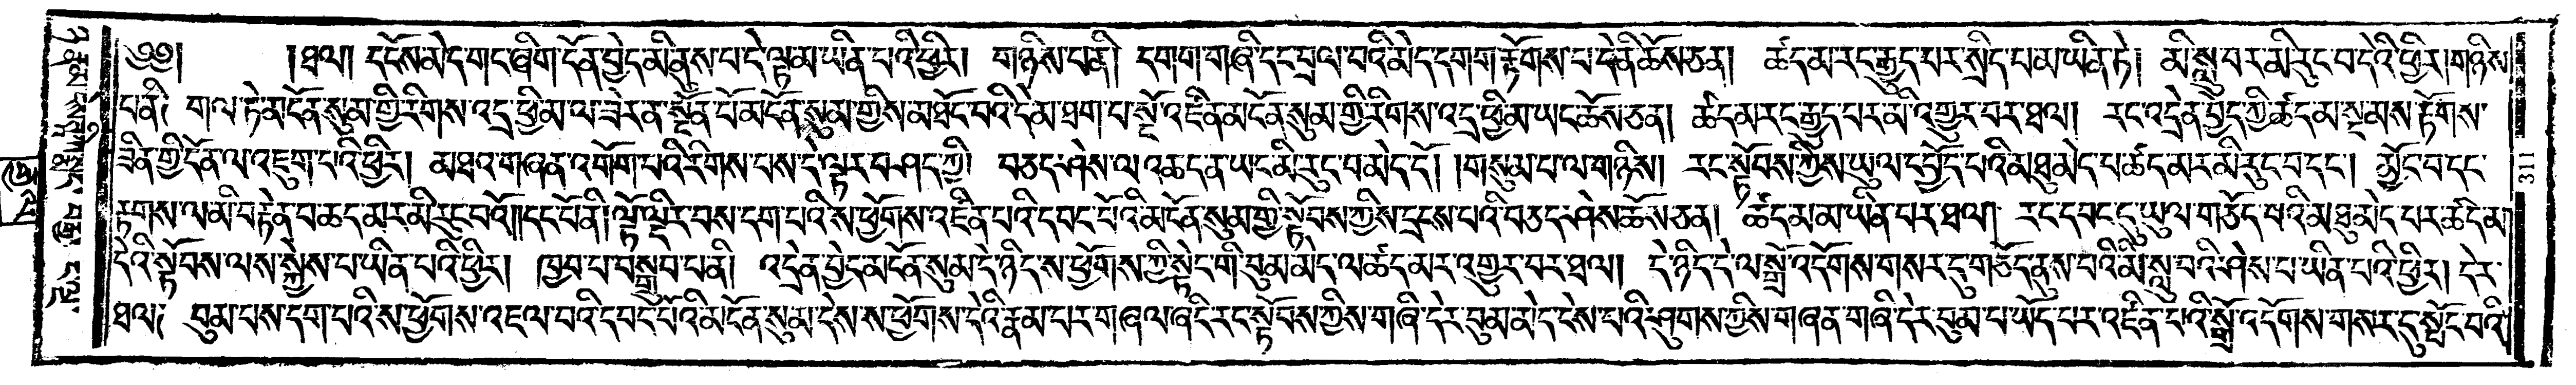༄༅། །ཐལ། དངོས་མེད་གང་ཞིག་དོན་བྱེད་མི་ནུས་པ་དེ་ལྟ་མ་ཡིན་པའི་ཕྱིར། གཉིས་པ་ནི། དགག་གཞི་དང་བྲལ་བའི་མེད་དགག་རྟོགས་པ་དེ་ནི་ཆོས་ཅན། ཚད་མ་རང་རྒྱུད་པར་སྲིད་པ་མ་ཡིན་ཏེ། མི་སླུ་བར་མི་རུང་བ་དེའི་ཕྱིར། གཉིས་
པ་ནི༑ གལ་ཏེ་མངོན་སུམ་གྱི་རིགས་འདྲ་ཕྱི་མ་ལ་ཟེར་ན་སྔོན་པོ་མངོན་སུམ་གྱིས་མཐོང་བའི་དེ་མ་ཐག་པ་སྔོ་འཛིན་མངོན་སུམ་གྱི་རིགས་འདྲ་ཕྱི་མ་ཡང་ཆོས་ཅན། ཚད་མ་རང་རྒྱུད་པར་མི་འགྱུར་བར་ཐལ། རང་འདྲེན་བྱེད་ཀྱི་ཚད་མ་སྔ་མས་རྟོགས་
ཟིན་གྱི་དོན་ལ་འཇུག་པའི་ཕྱིར། མཐའ་གཞན་འགོག་པའི་རིགས་པས་དེ་ལྟར་བཤད་ཀྱི། བཅད་ཤེས་ལ་འཆད་ན་ཡང་མི་རུང་བ་མེད་དོ། །གསུམ་པ་ལ་གཉིས། རང་སྟོབས་ཀྱི་ཡུལ་དཔྱོད་པའི་མཐུ་མེད་པ་ཚད་མར་མི་རུང་བ་དང་། མྱོང་བ་དང་
རྟགས་ལ་མི་བརྟེན་པ་ཆད་མར་མི་རུང་བའོ། །དང་པོ་ནི། ལྟོ་ལྡིར་བས་དག་པའི་ས་ཕྱོགས་འཛིན་པའི་དབང་པོའི་མངོན་སུམ་གྱི་སྟོབས་ཀྱིས་དྲངས་པའི་བཅད་ཤེས་ཆོས་ཅན། ཚད་མ་མ་ཡིན་པར་ཐལ། རང་དབང་དུ་ཡུལ་གཅོད་པའི་མཐུ་མེད་པར་ཚད་མ་
དེའི་སྟོབས་ལས་སྐྱེས་པ་ཡིན་པའི་ཕྱིར། ཁྱབ་པ་བསྒྲུབ་པ་ནི། འདྲེན་བྱེད་མངོན་སུམ་དེ་ཉིད་ས་ཕྱོགས་ཀྱི་སྟེང་གི་བུམ་མེད་ལ་ཚད་མར་འགྱུར་བར་ཐལ། དེ་ཉིད་དེ་ལ་སྒྲོ་འདོགས་གསར་དུ་གཅོད་ནུས་པའི་མི་སླུ་བའི་ཤེས་པ་ཡིན་པའི་ཕྱིར། དེར་
ཐལ༑ བུམ་པས་དག་པའི་ས་ཕྱོགས་འཇལ་བའི་དབང་པོའི་མངོན་སུམ་དེས་ས་ཕྱོགས་དེའི་རྣམ་པར་གཞལ་ཞིང་རང་སྟོབས་ཀྱིས་གཞི་དེར་བུམ་མེད་ངེས་པའི་ཤུགས་ཀྱིས་གཞན་གཞི་དེར་བུམ་པ་ཡོད་པར་འཛིན་པའི་སྒྲོ་འདོགས་གསར་དུ་སྤོང་བའི་